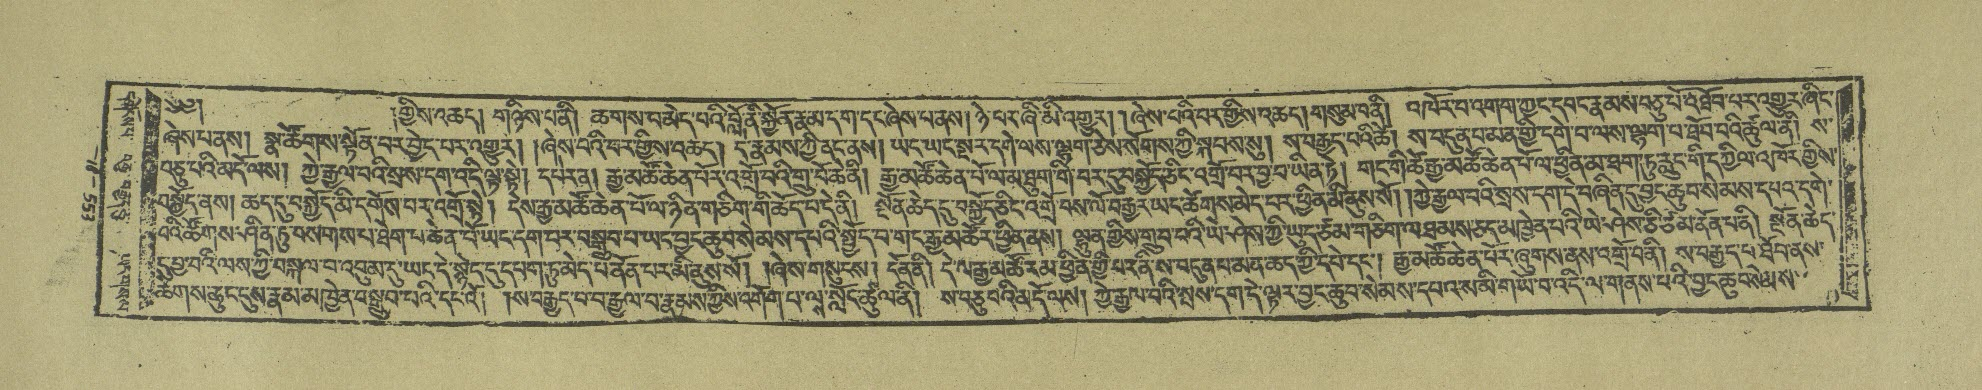༄༅། །གྱིས་འཆད། གཉིས་པ་ནི། ཆགས་པ་མེད་པའི་བློ་ནི་སྐྱོན་རྣམ་དག་དང་ཞེས་པ་ནས། ཉེ་བར་ཞི་མི་འགྱུར། །ཞེས་པའི་བར་གྱིས་འཆད། གསུམ་པ་ནི། འཁོར་བ་འགག་ཀྱང་དབང་རྣམས་བཅུ་པོ་འཐོབ་པར་འགྱུར་ཞིང་
ཞེས་པ་ནས། སྣ་ཚོགས་སྟོན་པར་བྱེད་པར་འགྱུར། །ཞེས་པའི་བར་གྱིས་འཆད། དེ་རྣམས་ཀྱི་ནང་ནས། ཡང་ཡང་སྔར་དགེ་ལས་ལྷག་ཅེས་སོགས་ཀྱི་སྐབས་སུ། ས་བརྒྱད་པའི་ཚེ། ས་བདུན་པ་མན་གྱི་དགེ་བ་ལས་ལྷག་པ་ཐོབ་པའི་ཚུལ་ནི། ས་
བཅུ་པའི་མདོ་ལས། ཀྱེ་རྒྱལ་བའི་སྲས་དག་འདི་ལྟ་སྟེ། དཔེར་ན། རྒྱ་མཚོ་ཆེན་པོར་འགྲོ་བའི་གྲུ་བོ་ཆེ་ནི། རྒྱ་མཚོ་ཆེན་པོ་ལ་མ་ཐུག་གི་བར་དུ་བསྐྱོད་ཅིང་འགྲོ་བར་བྱ་བ་ཡིན་ཏེ། གང་གི་ཚེ་རྒྱ་མཚོ་ཆེན་པོ་ལ་ཕྱིན་མ་ཐག་ཏུ་རླུང་གི་དཀྱིལ་འཁོར་གྱིས་
བསྐྱོད་ནས། ཆེད་དུ་བསྐྱོད་མི་དགོས་པར་འགྲོ་སྟེ། དེས་རྒྱ་མཚོ་ཆེན་པོ་ལ་ཉིན་གཅིག་གི་ཆོད་པ་དེ་ནི། སྔོན་ཆེད་དུ་བསྐྱོད་ཅིང་འགྲོ་བས་ལོ་བརྒྱར་ཡང་ཚེགས་མེད་པར་ཕྱིན་མི་ནུས་སོ། །ཀྱེ་རྒྱལ་བའི་སྲས་དག་དེ་བཞིན་དུ་བྱང་ཆུབ་སེམས་དཔའ་དགེ་
བའི་ཚོགས་ཤིན་ཏུ་བསགས་པ་ཐེག་པ་ཆེན་པོ་ཡང་དག་པར་བསྒྲུབ་པ་ཡང་བྱང་ཆུབ་སེམས་དཔའི་སྤྱོད་པ་གང་རྒྱ་མཚོར་ཕྱིན་ནས། ལྷུན་གྱིས་གྲུབ་པའི་ཡེ་ཤེས་ཀྱི་ཡུད་ཙམ་གཅིག་ལ་ཐམས་ཅད་མཁྱེན་པའི་ཡེ་ཤེས་ཅི་ཙམ་ནོན་པ་ནི། སྔོན་ཆེད་
དུ་བྱ་བའི་ལས་ཀྱི་བསྐལ་པ་འབུམ་དུ་ཡང་དེ་སྙེད་དུ་དཔག་ཏུ་མེད་པ་ནོན་པར་མི་ནུས་སོ། །ཞེས་གསུངས། དོན་ནི། དེ་ལ་རྒྱ་མཚོར་མ་ཕྱིན་གྱི་བར་ནི་ས་བདུན་པ་མན་ཆད་ཀྱི་དཔེ་དང་། རྒྱ་མཚོ་ཆེན་པོར་ཞུགས་ནས་འགྲོ་བ་ནི། ས་བརྒྱད་པ་ཐོབ་ནས།
ཚོགས་ཆུང་ངུས་རྣམ་མཁྱེན་བསྒྲུབ་པའི་དཔེའོ། །ས་བརྒྱད་པ་བ་རྒྱལ་བ་རྣམས་ཀྱིས་འགོག་པ་ལས་སློང་ཚུལ་ནི། ས་བཅུ་པའི་མདོ་ལས། ཀྱེ་རྒྱལ་བའི་སྲས་དག་དེ་ལྟར་བྱང་ཆུབ་སེམས་དཔའ་ས་མི་གཡོ་བ་འདི་ལ་གནས་པའི་བྱང་ཆུབ་སེམས་